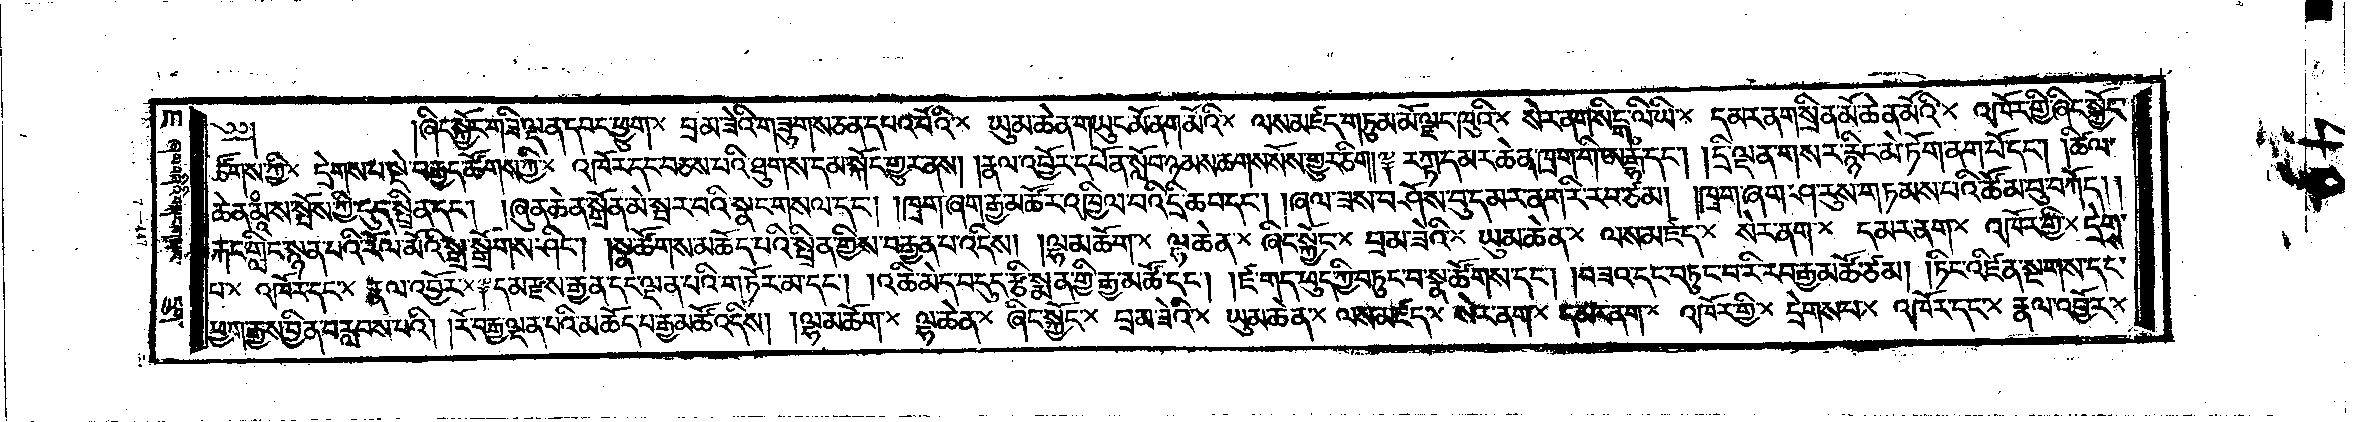༄༅། །ཞིང་སྐྱོང་གཟི་ལྡན་དབང་ཕྱུག་྾་བྲམ་ཟེའི་གཟུགས་ཅན་དཔའ་བོའི་྾་ཡུམ་ཆེན་གཡུང་མོ་ནག་མོའི་྾་ལས་མཛད་གཏུམ་མོ་ལྗང་ཁུའི་྾་སེར་ནག་སིངྒ་ལི་ཡི་྾་དམར་ནག་སྲིན་མོ་ཆེན་མོའི་྾་འཁོར་གྱི་ཞིང་སྐྱོང་
ཚོགས་ཀྱི་྾་དྲེགས་པ་སྡེ་བརྒྱད་ཚོགས་ཀྱི་྾་འཁོར་དང་བཅས་པའི་ཐུགས་དམ་སྐོང་གྱུར་ནས། །རྣལ་འབྱོར་དཔོན་སློབ་ཉམས་ཆགས་སོས་གྱུར་ཅིག། ༈ རཀྟ་དམར་ཆེན་ཁྲག་གི་ཨརྒྷཾ་དང་། །དྲི་ལྡན་གསར་རྙིང་མེ་ཏོག་ནག་པོ་དང་། །ཚིལ་
ཆེན་མཱཾ་ས་སྤོས་ཀྱི་དུད་སྤྲིན་དང་། །ཞུན་ཆེན་སྒྲོན་མེ་སྦར་བའི་སྣང་གསལ་དང་། །ཁྲག་ཞག་རྒྱ་མཚོར་འཁྱིལ་བའི་དྲི་ཆ་བ་དང་། །ཞལ་ཟས་བཤོས་པུ་དམར་ནག་རི་རབ་ཙམ། །ཁྲག་ཞག་ཤ་རུས་གཏམས་པའི་ཚོམ་བུ་བཀོད།།
རྐང་གླིང་སྙན་པའི་རོལ་མོའི་སྒྲ་སྒྲོགས་ཤིང་། །སྣ་ཚོགས་མཆོད་པའི་སྤྲིན་གྱིས་བརྒྱན་པ་འདིས། །ལྷ་མཆོག་྾་ལྷ་ཆེན་྾་ཞིང་སྐྱོང་྾་བྲམ་ཟེའི་྾་ཡུམ་ཆེན་྾་ལས་མཛད་྾་སེ་ར་ནག་྾་དམར་ནག་྾་འཁོར་གྱི་྾་དྲེགས་
པ་྾་འཁོར་དང་྾་རྣལ་འབྱོར་྾་༈ དམ་རྫས་རྒྱན་དང་ལྡན་པའི་གཏོར་མ་དང་། །འཆི་མེད་བདུད་རྩི་སྨན་གྱི་རྒྱ་མཚོ་དང་། །ཛ་གད་ཕུད་ཀྱི་བཏུང་བ་སྣ་ཚོགས་དང་། །བཟའ་དང་བཏུང་བ་རི་རབ་རྒྱ་མཚོ་ཙམ། །ཏིང་འཛིན་སྔགས་དང་
ཕྱག་རྒྱས་བྱིན་བརླབས་པའི། །རོ་བརྒྱ་ལྡན་པའི་མཆོད་པ་རྒྱ་མཚོ་འདིས། །ལྷ་མཆོག་྾་ལྷ་ཆེན་྾་ཞིང་སྐྱོང་྾་བྲམ་ཟེའི་྾་ཡུམ་ཆེན་྾་ལས་མཛད་྾་སེར་ནག་྾་དམར་ནག་྾་འཁོར་གྱི་྾་དྲེགས་པ་྾་འཁོར་དང་྾་རྣལ་འབྱོར་྾་